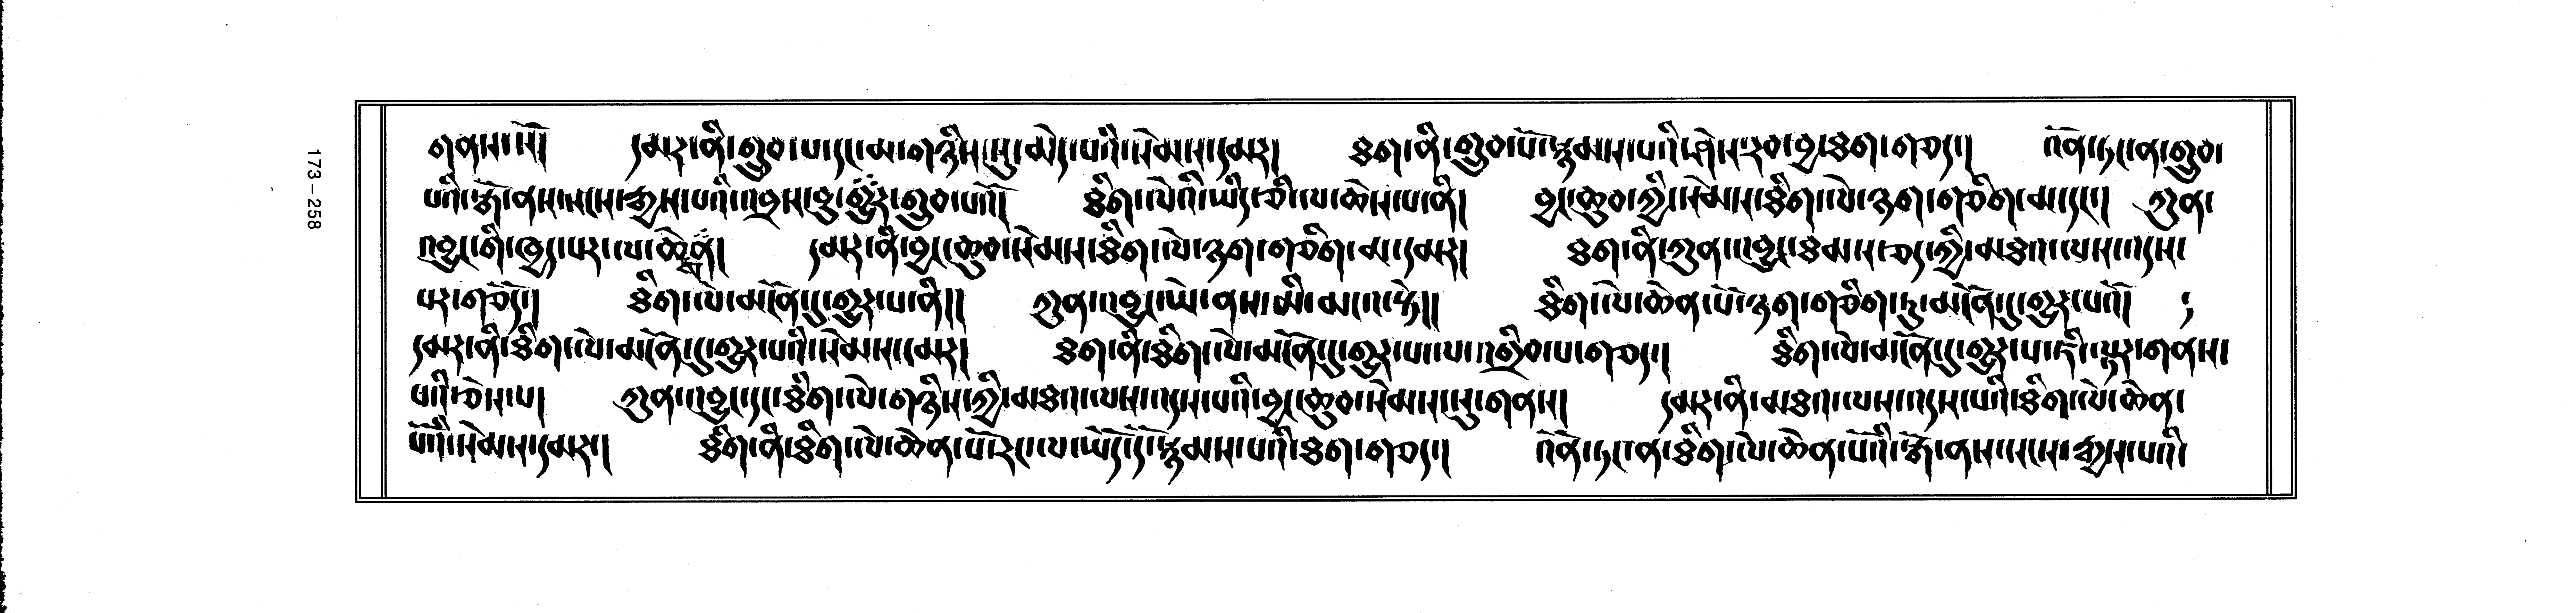གནས་སོ། །དམར་ནི་གྲུབ་པ་དང་མ་གྲུབ་པ་གཉིས་སུ་མེད་པའི་སེམས་དམར། ཐག་ནི་གྲུབ་བོ་སྙམ་པའི་ཤེས་རབ་བྱ་ཐག་གཅད། འོན་ཏང་ན་གྲུབ་
པའི་སྒོ་ནས་སངས་རྒྱས་པའི་འབྲས་བུ་གྲུབ་པའོ། །ཐིག་ལེའི་ཡིད་ཅི་ལ་ཆེས་པ་ནི། བྱང་ཆུབ་ཀྱི་སེམས་ཐིག་ལེ་ཉག་གཅིག་མ་དང་། ཀུན་
འབྱུང་གི་ཁྱད་པར་ལ་ཆེས། དམར་ནི་བྱང་ཆུབ་ཀྱི་སེམས་ཐིག་ལེ་ཉག་གཅིག་མ་དམར། ཐག་ནི་ཀུན་འབྱུང་ཐམས་ཅད་ཀྱི་མཐའ་ལས་འདས་
པར་གཅོད། ཐིག་ལེ་མངོན་དུ་གྱུར་པ་ནི། ཀུན་འབྱུང་ཡེ་ནས་མི་མངའ་སྟེ། ཐིག་ལེ་ཆེན་པོ་ཉག་གཅིག་ཏུ་མངོན་དུ་གྱུར་པའོ། །
དམར་ནི་ཐིག་ལེ་མངོན་དུ་གྱུར་པའི་སེམས་དམར། ཐག་ནི་ཐིག་ལེ་མངོན་དུ་གྱུར་པ་ལ་སེམས་འགྲིབ་པ་གཅད། ཐིག་ལེ་མངོན་དུ་གྱུར་པ་ཇི་ལྟར་གནས་
པའི་ཅེས་པ། ཀུན་འབྱུང་དང་ཐིག་ལེ་གཉིས་ཀྱི་མཐའ་ལས་འདས་པའི་བྱང་ཆུབ་སེམས་སུ་གནས། དམར་ནི་མཐའ་ལས་འདས་པའི་ཐིག་ལེ་ཆེན་
པོའི་སེམས་དམར། ཐིག་ནི་ཐིག་ལེ་ཆེན་པོ་རང་ལ་ཡོད་དོ་སྙམ་པའི་ཐག་གཅད། འོན་ཏང་ན་ཐིག་ལེ་ཆེན་པོའི་སྒོ་ནས་སངས་རྒྱས་པའི་